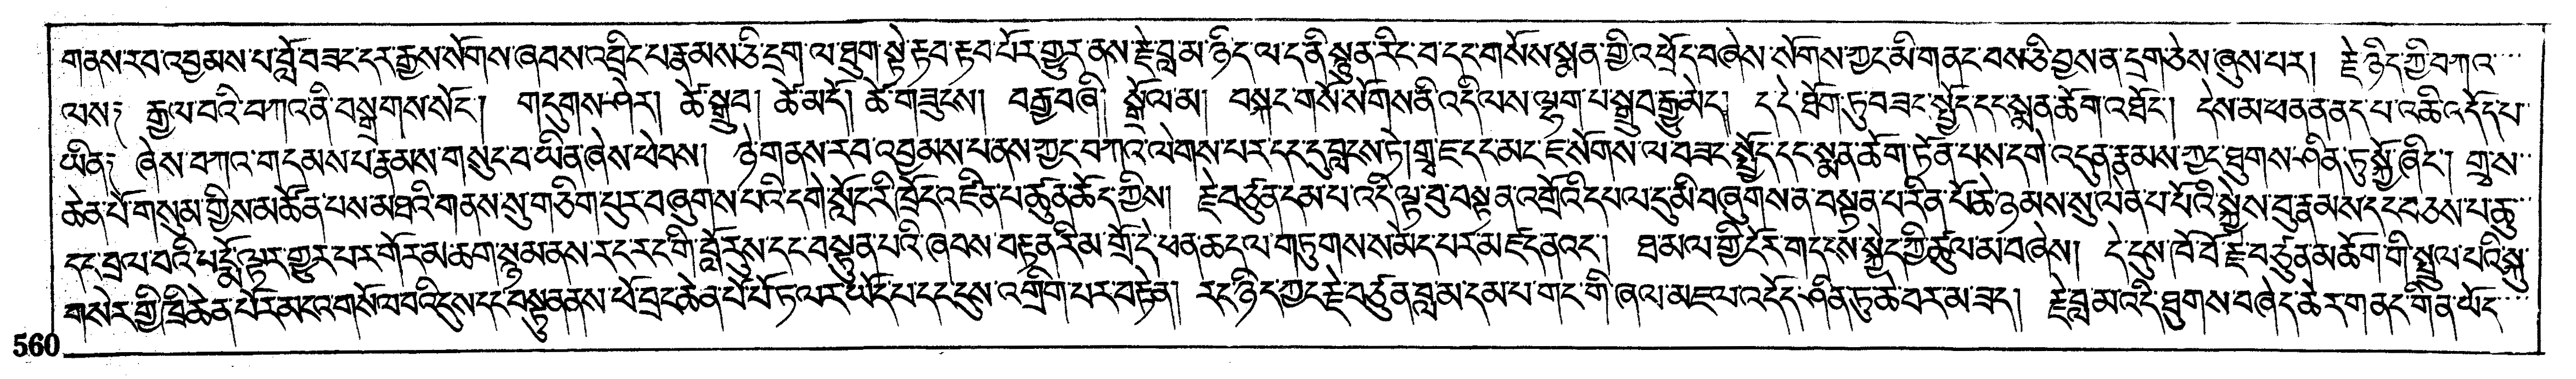གནས་རབ་འབྱམས་པ་བློ་བཟང་དར་རྒྱས་སོགས་ཞབས་འབྲིང་པ་རྣམས་ཅི་དྲག་ལ་ཐུག་སྟེ་རྟབ་རྟབ་པོར་གྱུར་ནས་རྗེ་བླ་མ་ཉིད་ལ་ད་ནི་སྙུན་རིང་བ་དང་གསོས་སྨན་གྱི་འཕྲོད་བཞེས་སོགས་ཀྱང་མི་གནང་བས་ཅི་བྱས་ན་དྲག་ཅེས་ཞུས་པར། རྗེ་ཉིད་ཀྱི་བཀའ་
ལས༑ རྒྱལ་བའི་བཀའ་ནི་བསྒྲགས་སོང་། གདུགས་ཤེར། ཚེ་སྒྲུབ། ཚེ་མདོ། ཚེ་གཟུངས། བརྒྱ་བཞི། སྒྲོལ་མ། བསྐང་གསོ་སོགས་ནི་འདི་ལས་ལྷག་པ་སྒྲུབ་རྒྱུ་མེད། ད་དེ་ཐོག་ཏུ་བཟང་སྤྱོད་དང་སྨན་ཆོ་ག་འཐོང་། དེས་མ་ཕན་ན་ནད་པ་འཆི་འདོད་པ་
ཡིན༑ ཞེས་བཀའ་གདམས་པ་རྣམས་གསུང་བ་ཡིན་ཞེས་ཕེབས། ཉེ་གནས་རབ་འབྱམས་པ་ནས་ཀྱང་བཀའ་ལེགས་པར་དང་དུ་བླངས་ཏེ། གྲྭ་ཇ་དེང་མང་ཇ་སོགས་ལ་བཟང་སྤྱོད་དང་སྨན་ཆོག་ཏོན་པས་དགེ་འདུན་རྣམས་ཀྱང་ཐུགས་ཤིན་ཏུ་སྐྱོ་ཞིང་། གྲྭ་ས་
ཆེན་པོ་གསུམ་གྱིས་མཚོན་བསམ་མཐའི་གནས་སུ་གཅིག་པུར་བཞུགས་པའི་དགེ་སློང་རི་ཁྲོད་འཛིན་པ་ཚུན་ཆོད་ཀྱིས། རྗེ་བཙུན་དམ་པ་འདི་ལྟ་བུ་བསྟན་འགྲོའི་དཔལ་དུ་མི་བཞུགས་ན་བསྟན་པ་རིན་པོ་ཆེ་ཉམས་སུ་ལེན་པ་པོའི་སྐྱེས་བུ་རྣམས་དང་བཅས་པ་ཆུ་
དང་བྲལ་བའི་པདམོ་ལྟར་གྱུར་པར་གོར་མ་ཆག་སྙམ་ནས་རང་རང་གི་བློ་ནུས་དང་བསྟུན་པའི་ཞབས་བརྟན་རིམ་གྲོ་དེ་ཕན་ཆད་ལ་གཏུགས་ས་མེད་པར་མཛད་ནའང་། ཐ་མལ་གྱི་ངོར་གདངས་སྐྱེད་ཀྱི་ཚུལ་མ་བཞེས། དེ་དུས་ཁོ་བོ་རྗེ་བཙུན་མཆོག་གི་སྤྲུལ་པའི་སྐུ་
གསེར་གྱི་ཁྲི་ཆེན་པོར་མངའ་གསོལ་བའི་དུས་དང་བསྟུན་ནས། ཕོ་བྲང་ཆེན་པོ་པོ་ཏ་ལར་ཡོད་པ་དང་དུས་འགྲིག་པར་བརྟེན། རང་ཉིད་ཀྱང་རྗེ་བཙུན་བླ་མ་དམ་པ་གང་གི་ཞལ་མཇལ་འདོད་ཤིན་ཏུ་ཆེ་བར་མ་ཟད། རྗེ་བླ་མའང་ཐུགས་བཞེད་ཆེར་གནང་གིན་ཡོ་